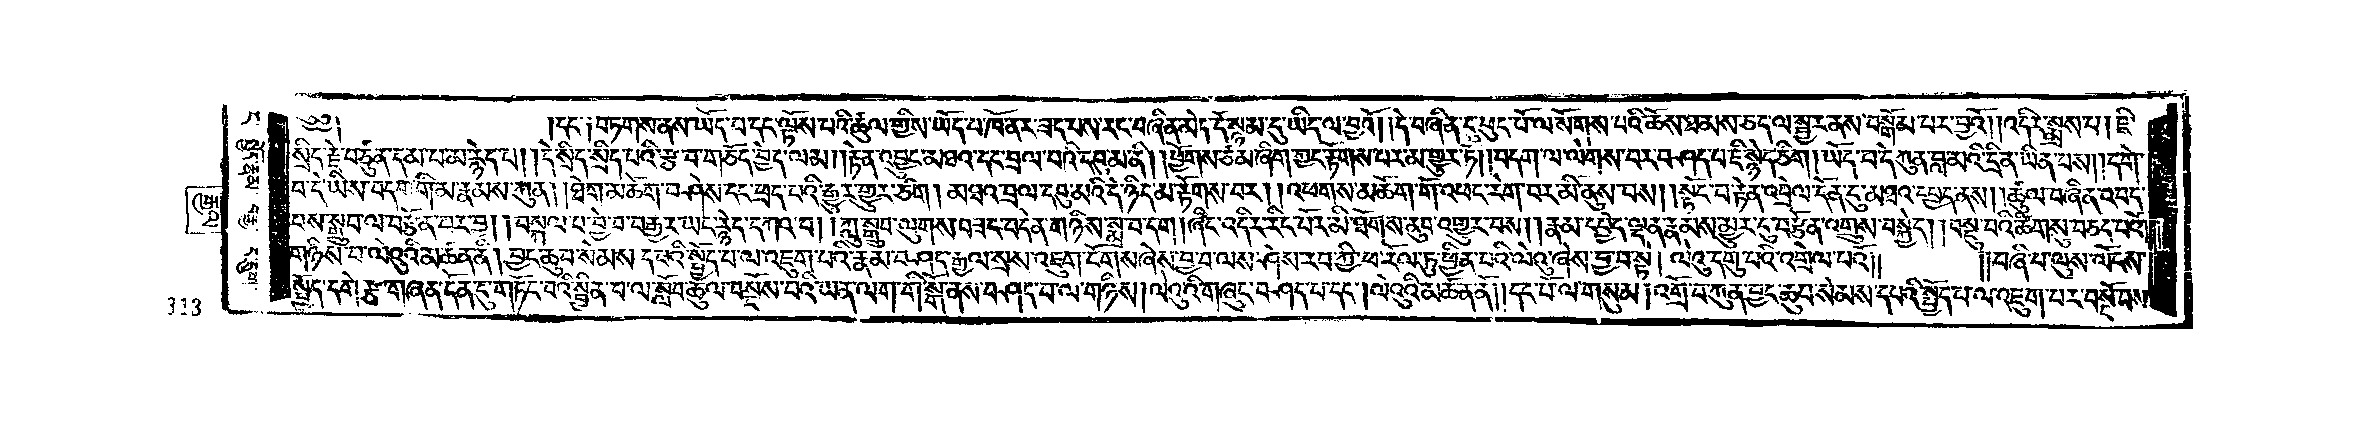༄༅། །དང༑ བཏགས་ནས་ཡོད་པ་དང་ལྟོས་པའི་ཚུལ་གྱིས་ཡོད་པ་ཁོ་ནར་ཟད་པས་རང་བཞིན་མེད་དོ་སྙམ་དུ་ཡིད་ལ་བྱའོ། །དེ་བཞིན་དུ་ཕུང་པོ་ལ་སོགས་པའི་ཆོས་ཐམས་ཅད་ལ་སྦྱར་ནས་བསྒོམ་པར་བྱའོ། །འདིར་སྨྲས་པ། ཇི་
སྲིད་རྗེ་བཙུན་དམ་པ་མ་རྙེད་པ། །དེ་སྲིད་སྲིད་པའི་རྩ་བ་གཅོད་བྱེད་ལམ། །རྟེན་འབྱུང་མཐའ་དང་བྲལ་བའི་དབུ་མ་ནི། །ཕྱོགས་ཙམ་ཞིག་ཀྱང་རྟོགས་པར་མ་གྱུར་ཏོ། །བདག་ལ་ལེགས་པར་བཤད་པ་ཇི་སྙེད་ཅིག །ཡོད་པ་དེ་ཀུན་བླ་མའི་དྲིན་ཡིན་པས། །དགེ་
བ་དེ་ཡིས་བདག་གི་མ་རྣམས་ཀུན། །ཐེག་མཆོག་བཤེས་དང་ཕྲད་པའི་རྒྱུར་གྱུར་ཅིག །མཐའ་བྲལ་དབུ་མའི་དེ་ཉིད་མ་རྟོགས་པར། །འཕགས་མཆོག་གོ་འཕང་རེག་པར་མི་ནུས་པས། །སྟོང་པ་རྟེན་འབྲེལ་དོན་དུ་མཐའ་དཔྱོད་ནས། །ཚུལ་བཞིན་འབད་
པས་སྒྲུབ་ལ་བརྩོན་པར་བྱ། །སྐལ་པ་བྱེ་བ་བརྒྱར་ཡང་རྙེད་དཀའ་བ། ཀླུ་སྒྲུབ་ལུགས་བཟང་བདེན་གཉིས་སྨྲ་བ་དག །ཞིང་འདིར་རིང་པོར་མི་ཐོགས་ནུབ་འགྱུར་བས། །རྣམ་དཔྱོད་ལྡན་རྣམས་མྱུར་དུ་བརྩོན་འགྲུས་བསྐྱེད། །བསྡུ་བའི་ཚིགས་སུ་བཅད་པའོ། །
གཉིས་པ་ལེའུའི་མཚན་ནི། བྱང་ཆུབ་སེམས་དཔའི་སྤྱོད་པ་ལ་འཇུག་པའི་རྣམ་བཤད་རྒྱལ་སྲས་འཇུག་ངོགས་ཞེས་བྱ་བ་ལས་ཤེས་རབ་ཀྱི་ཕ་རོལ་ཏུ་ཕྱིན་པའི་ལེའུ་ཞེས་བྱ་བ་སྟེ། ལེའུ་དགུ་པའི་འགྲེལ་པའོ།། །།བཞི་པ་ལུས་ལོངས་
སྤྱོད་དགེ་རྩ་གཞན་དོན་དུ་གཏོང་བའི་སྦྱིན་པ་ལ་སློབ་ཚུལ་བསྔོས་པའི་ཡན་ལག་གི་སྒོ་ནས་བཤད་པ་ལ་གཉིས། ལེའུའི་གཟུང་བཤད་པ་དང་། ལེའུའི་མཚོན་ནོ། །དང་པོ་ལ་གསུམ། འགྲོ་བ་ཀུན་བྱང་ཆུབ་སེམས་དཔའི་སྤྱོད་པ་ལ་འཇུག་པར་བསྔོ་བས་